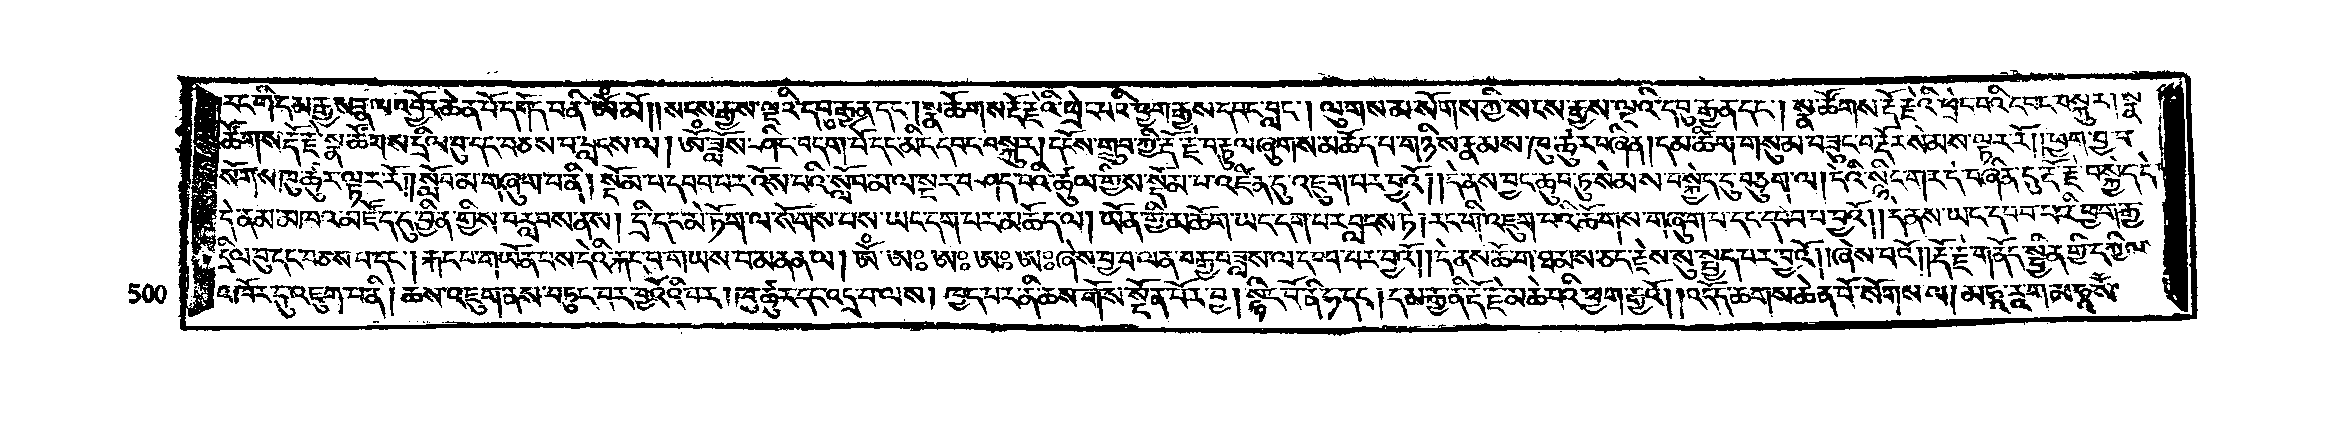རང་གི་དམ་རྒྱས་རྣལ་འབྱོར་ཆེན་པོ་དགོད་པ་ནི་ཨོཾ་མོ། །སངས་རྒྱས་ལྔའི་དབུ་རྒྱན་དང་། སྣ་ཚོགས་རྡོ་རྗེའི་ཕྲེང་བའི་ཕྱག་རྒྱས་དབང་བླང་། ལུགས་མ་སོགས་ཀྱི་སངས་རྒྱས་ལྔའི་དབུ་རྒྱན་དང་། སྣ་ཚོགས་རྡོ་རྗེའི་ཕྲེང་བའི་དབང་བསྐུར། སྣ་
ཚོགས་རྡོ་རྗེ་སྣ་ཚོགས་དྲིལ་བུ་དང་བཅས་པ་བླངས་ལ། ཨོཾ་ཟློས་ཤིང་བདག་པོ་དང་མིང་དབང་བསྐུར། དངོས་གྲུབ་ཀྱི་རྡོ་རྗེ་བརྟུལ་ཞུགས་མཆོད་པ་གཉིས་རྣམས་ཁུ་ཚུར་བཞིན། དམ་ཚིག་གསུམ་བཟུང་བ་རྡོར་སེམས་ལྟར་རོ། །ཕྱག་བྱ་བ་
སོགས་ཁུ་ཚུར་ལྟར་རོ། །སློབ་མ་གཞུག་པ་ནི། སྡོམ་པ་དབབ་པར་འོས་པའི་སློབ་མ་ལ་སྔར་བཤད་པའི་ཚུལ་གྱིས་སྡོམ་པ་འཛིན་དུ་འཇུག་པར་བྱའོ། །དེ་ནས་བྱང་ཆུབ་ཏུ་སེམས་བསྐྱེད་དུ་བཅུག་ལ། དེའི་སྙིང་གར་དེ་བཞིན་དུ་རྡོ་རྗེ་བསྐྱེད་དེ་
དེ་ནམ་མཁའ་མཛོད་དུ་བྱིན་གྱིས་བརླབས་ནས། དྲི་དང་མེ་ཏོག་ལ་སོགས་པས་ཡང་དག་པར་མཆོད་ལ། ཡོན་གྱི་མཆོག་ཡང་དག་པར་བླངས་ཏེ། རང་གི་འཇུག་པའི་ཆོ་གས་གཞུག་པ་དང་དབེབ་པ་བྱའོ། །དེ་ནས་ཡང་དབབ་པའི་ཕྱག་རྒྱ་
དྲིལ་བུ་དང་བཅས་པ་དང་། རྐང་པ་གཡོན་པས་དེའི་རྐང་པ་གཡས་པ་མནན་ལ། ཨོཾ་ཨཿ ཨཿ ཨཿ ཨཿ ཞེས་བྱ་བ་ལན་བརྒྱ་བཟླས་ལ་དབབ་པར་བྱའོ། །དེ་ནས་ཆོ་ག་ཐམས་ཅད་རྗེས་སུ་སྤྱད་པར་བྱའོ། །ཞེས་པའོ། །རྡོ་རྗེ་གནོད་སྦྱིན་གྱི་དཀྱིལ་
འཁོར་དུ་འཇུག་པ་ནི། ཆས་འཇུག་ནས་བཏུང་བར་བྱའོའི་བར། ཁུ་ཚུར་དང་འདྲ་བ་ལས། ཁྱད་པར་ནི་ཆས་གོས་སྔོན་པོར་བྱ། སྙིང་པོ་ནི་ཧ་དང་། དམ་རྒྱ་ནི་རྡོ་རྗེ་མཆེ་བའི་ཕྱག་རྒྱའོ། །འདོད་ཆགས་ཆེན་པོ་སོགས་ལ། མཧཱ་རཱ་ག་མཧཱ་སཽ་